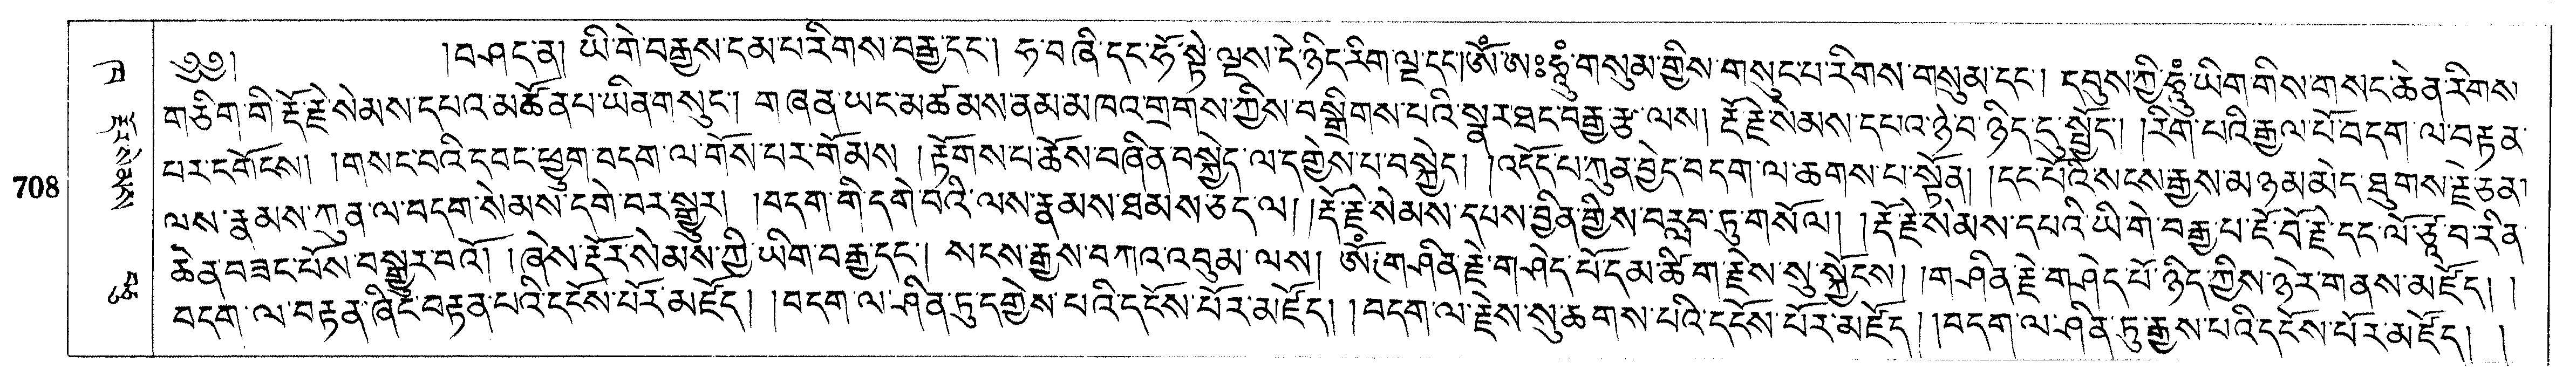༄༅། །བཤད་ན། ཡི་གེ་བརྒྱས་དམ་པ་རིགས་བརྒྱ་དང་། ཧ་བཞི་དང་ཧོ་སྟེ་ལྔས་དེ་ཉིད་རིག་ལྔ་དང་། ཨོཾ་ཨཿ ཧཱུཾ་གསུམ་གྱིས་གསུང་པ་རིགས་གསུམ་དང་། དབུས་ཀྱི་ཧཱུཾ་ཡིག་གིས་གསང་ཆེན་རིགས་
གཅིག་གི་རྡོ་རྗེ་སེམས་དཔའ་མཚོན་པ་ཡིན་གསུང་། གཞན་ཡང་མཚམས་ནམ་མཁའ་གྲགས་ཀྱིས་བསྒྲིགས་པའི་སྣར་ཐང་བརྒྱ་རྩ་ལས། རྡོ་རྗེ་སེམས་དཔའ་ཉེ་བ་ཉིད་དུ་སྦྱོང་། །རིག་པའི་རྒྱལ་པོ་བདག་ལ་བརྟན་
པར་དགོངས། །གསང་བའི་དབང་ཕྱུག་བདག་ལ་གོས་པར་གོམས། རྟོགས་པ་ཆོས་བཞིན་བསྐྱེད་ལ་དགྱེས་པ་བསྐྱེད། །འདོད་པ་ཀུན་བྱེད་བདག་ལ་ཆགས་པ་སྟོན། །དང་པོའི་སངས་རྒྱས་མཉམ་མེད་ཐུགས་རྗེ་ཅན།
ལས་རྣམས་ཀུན་ལ་བདག་སེམས་དགེ་བར་སྒྱུར། །བདག་གི་དགེ་བའི་ལས་རྣམས་ཐམས་ཅད་ལ། །རྡོ་རྗེ་སེམས་དཔས་བྱིན་གྱིས་བརླབ་ཏུ་གསོལ། །རྡོ་རྗེ་སེམས་དཔའི་ཡི་གེ་བརྒྱ་པ་ཇོ་བོ་རྗེ་དང་ལོ་ཙཱ་བ་རིན་
ཆེན་བཟང་པོས་བསྒྱུར་བའོ། །ཞེས་རྡོར་སེམས་ཀྱི་ཡིག་བརྒྱ་དང་། སངས་རྒྱས་བཀའ་འབུམ་ལས། ཨོཾ༑ གཤིན་རྗེ་གཤེད་པོ་དམ་ཚིག་རྗེས་སུ་སྐྱོངས། །གཤིན་རྗེ་གཤེད་པོ་ཉིད་ཀྱིས་ཉེར་གནས་མཛོད།།
བདག་ལ་བརྟན་ཞིང་བརྟན་པའི་དངོས་པོར་མཛོད། །བདག་ལ་ཤིན་ཏུ་དགྱེས་པའི་དངོས་པོར་མཛོད། །བདག་ལ་རྗེས་སུ་ཆགས་པའི་དངོས་པོར་མཛོད། །བདག་ལ་ཤིན་ཏུ་རྒྱས་པའི་དངོས་པོར་མཛོད།།